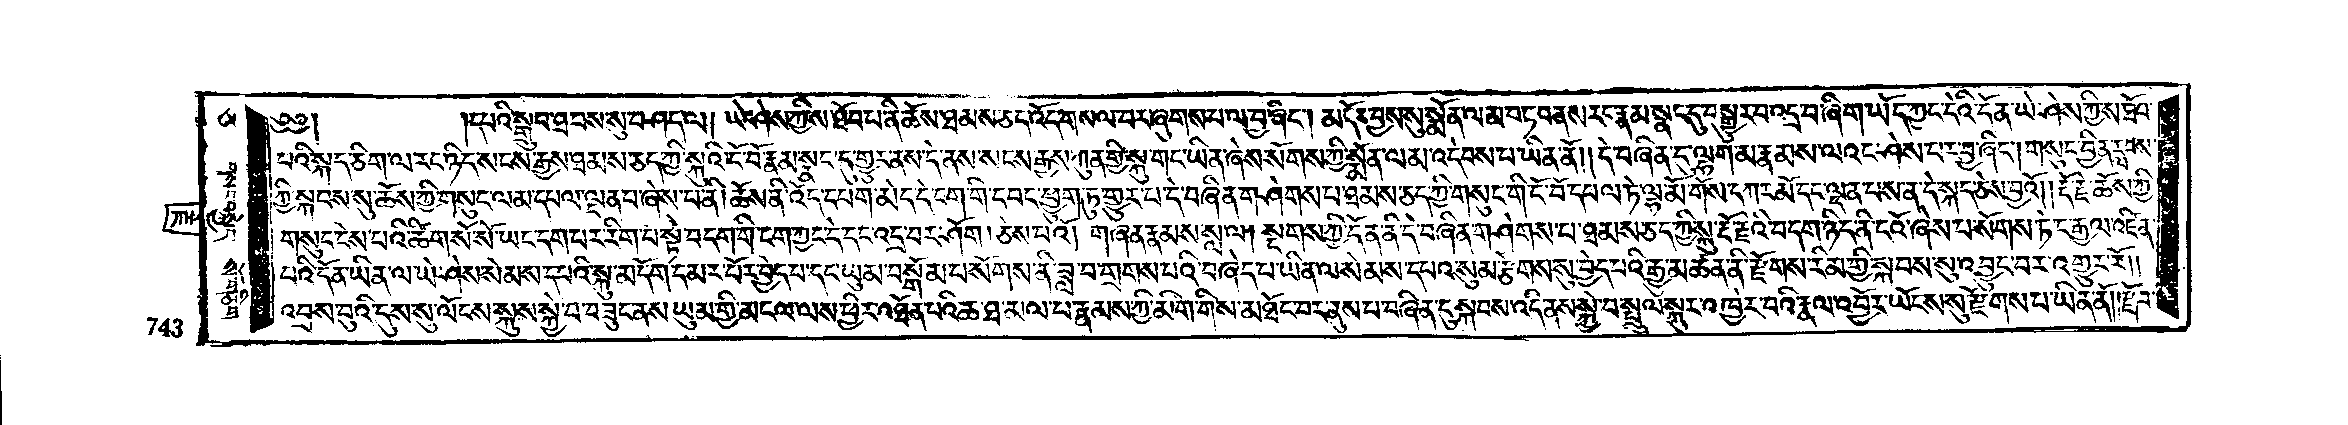༄༅། །དཔའི་སྒྲུབ་ཐབས་སུ་བཤད་ལ། ཡེ་ཤེས་ཀྱི་ས་ཐོབ་པ་ནི་ཆོས་ཐམས་ཅད་འོད་གསལ་བར་ཞུགས་པ་ལ་བྱ་ཞིང་། མདོར་བྱས་སུ་སྨོན་ལམ་བཏབ་ནས་རང་རྣམ་སྣང་དུ་བསྒྱུར་བ་འདྲ་བ་ཞིག་ཡོད་ཀྱང་དེའི་དོན་ཡེ་ཤེས་ཀྱི་ས་ཐོབ་
པའི་སྐད་ཅིག་ལ་རང་ཉིད་སངས་རྒྱས་ཐམས་ཅད་ཀྱི་སྐུའི་ངོ་བོ་རྣམ་སྣང་དུ་གྱུར་ནས་དེ་ནས་སངས་རྒྱས་ཀུན་གྱི་སྐུ་གང་ཡིན་ཞེས་སོགས་ཀྱི་སྨོན་ལམ་འདེབས་པ་ཡིན་ནོ། །དེ་བཞིན་དུ་ལྷག་མ་རྣམས་ལའང་ཤེས་པར་བྱ་ཞིང་། གསུང་བྱིན་རླབས་
ཀྱི་སྐབས་སུ་ཆོས་ཀྱི་གསུང་ལམ་དཔལ་ལྡན་པ་ཞེས་པ་ནི། ཆོས་ནི་འོད་དཔག་མེད་དེ་དག་གི་དབང་ཕྱུག་ཏུ་གྱུར་པ་དེ་བཞིན་གཤེགས་པ་ཐམས་ཅད་ཀྱི་གསུང་གི་ངོ་བོ་དཔལ་ཏེ་ལྷ་མོ་གོས་དཀར་མོ་དང་ལྡན་པས་ན་དེ་སྐད་ཅེས་བྱའོ། །རྡོ་རྗེ་ཆོས་ཀྱི་
གསུང་ངེས་པའི་ཚིག་སོ་སོ་ཡང་དག་པར་རིག་པ་སྟེ་བདག་གི་ངག་ཀྱང་དེ་དང་འདྲ་བར་ཤོག །ཅེས་པའོ། །གཞན་རྣམས་སླ་ལ། སྔགས་ཀྱི་དོན་ནི་དེ་བཞིན་གཤེགས་པ་ཐམས་ཅད་ཀྱི་སྐུ་རྡོ་རྗེའི་བདག་ཉིད་ནི་ངའོ་ཞེས་པ་སོགས་ཏེ་ང་རྒྱལ་འཛིན་
པའི་དོན་ཡིན་ལ་ཡེ་ཤེས་སེམས་དཔའི་སྐུ་མདོག་དམར་པོར་བྱེད་པ་དང་ཡུམ་བསྒོམ་པ་སོགས་ནི་ཟླ་བ་གྲགས་པའི་བཞེད་པ་ཡིན་ལ་སེམས་དཔའ་སུམ་རྩེགས་སུ་བྱེད་པའི་རྒྱུ་མཚན་ནི་རྫོགས་རིམ་གྱི་སྐབས་སུ་འབྱུང་བར་འགྱུར་རོ།།
འབྲས་བུའི་དུས་སུ་ལོངས་སྐུས་སྐྱེ་བ་བཟུང་ནས་ཡུམ་གྱི་མངལ་ལས་ཕྱིར་འཐོན་པའི་ཆ་ཐ་མལ་པ་རྣམས་ཀྱི་མིག་གིས་མཐོང་བར་ནུས་པ་བཞིན་དུ་སྐབས་འདི་ནས་སྐྱེ་བ་སྤྲུལ་སྐུར་འཁྱེར་བའི་རྣལ་འབྱོར་ཡོངས་སུ་རྫོགས་པ་ཡིན་ནོ། །རྫོགས་